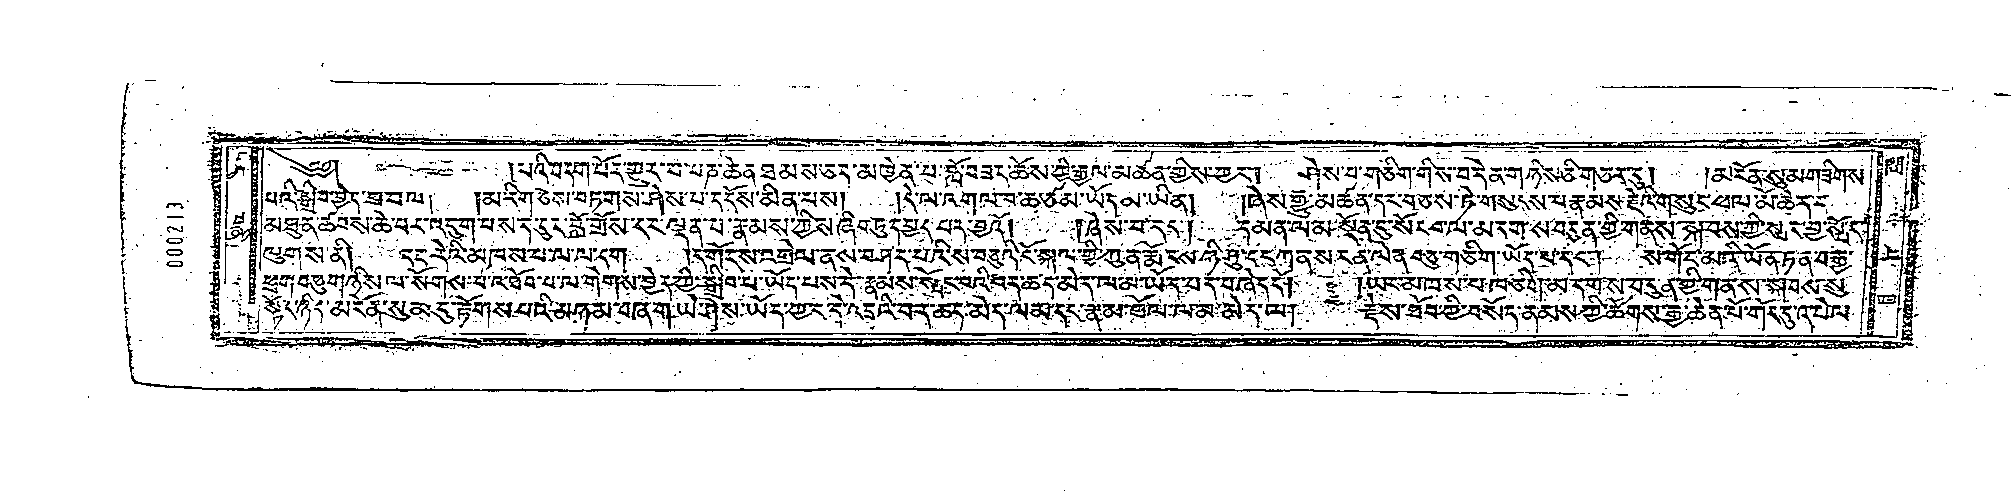༄༅། །པའི་བདག་པོར་གྱུར་པ་པཎ་ཆེན་ཐམས་ཅད་མཁྱེན་པ་བློ་བཟང་ཆོས་ཀྱི་རྒྱལ་མཚན་གྱིས་ཀྱང་། ཤེས་པ་གཅིག་གིས་བདེན་གཉིས་ཅིག་ཅར་དུ། །མངོན་སུམ་གཟིགས་
པའི་སྒྲིབ་བྱེད་ཕྲབ་ལ། །མ་རིག་ཅེས་བཏགས་ཤེས་པ་དངོས་མིན་པས། །དེ་ལ་འགལ་བ་ཆ་ཙམ་ཡོད་མ་ཡིན། །ཞེས་རྒྱུ་མཚན་དང་བཅས་ཏེ་གསུངས་པ་རྣམས་རྗེའི་གསུང་ཕལ་མོ་ཆེ་དང་
མཐུན་ཚབས་ཆེ་པར་འདུག་པས་ད་དུང་བློ་གྲོས་དང་ལྡན་པ་རྣམས་ཀྱིས་ཞིབ་ཏུ་དཔྱད་པར་བྱའོ། །ཞེས་པ་དག། དམན་ལམ་སྔོན་དུ་སོང་བ་ལམ་དག་ས་བདུན་གྱི་གནས་སྐབས་ཀྱི་སྤང་བྱ་སྤོང་
ལུགས་ནི། རང་རེའི་མཁས་པ་ལ་ལ་དག །དགོངས་འགྲེལ་ནས་བཤད་པའི་ས་བཅུའི་ངོ་སྐལ་གྱི་ཀུན་རྨོངས་ཉི་ཤུ་དང་གནས་ངན་ལེན་བཅུ་གཅིག་ཡོད་པ་དང་། ས་གོང་མའི་ཡོན་ཏན་བརྒྱ་
ཕྲག་བཅུ་གཉིས་ལ་སོགས་པ་འཐོབ་པ་ལ་གེགས་བྱེད་ཀྱི་སྒྲིབ་པ་ཡོད་པས་དེ་རྣམས་སྤོང་པའི་བར་ཆད་མེད་ལ་མ་ཡོད་པར་བཞེད་དོ། །ཡང་མཁས་པ་ཁ་ཅིག་མ་དག་ས་བདུན་གྱི་གནས་སྐབས་སུ་
སྟོང་ཉིད་མངོན་སུམ་དུ་རྟོགས་པའི་མཉམ་བཞག་ཡེ་ཤེས་ཡོད་ཀྱང་དེ་འདྲའི་བར་ཆད་མེད་ལམ་དང་རྣམ་གྲོལ་ལམ་མེད་ལ། རྗེས་ཐོབ་ཀྱི་བསོད་ནམས་ཀྱི་ཚོགས་རྒྱ་ཆེན་པོ་གོང་དུ་འཕེལ་